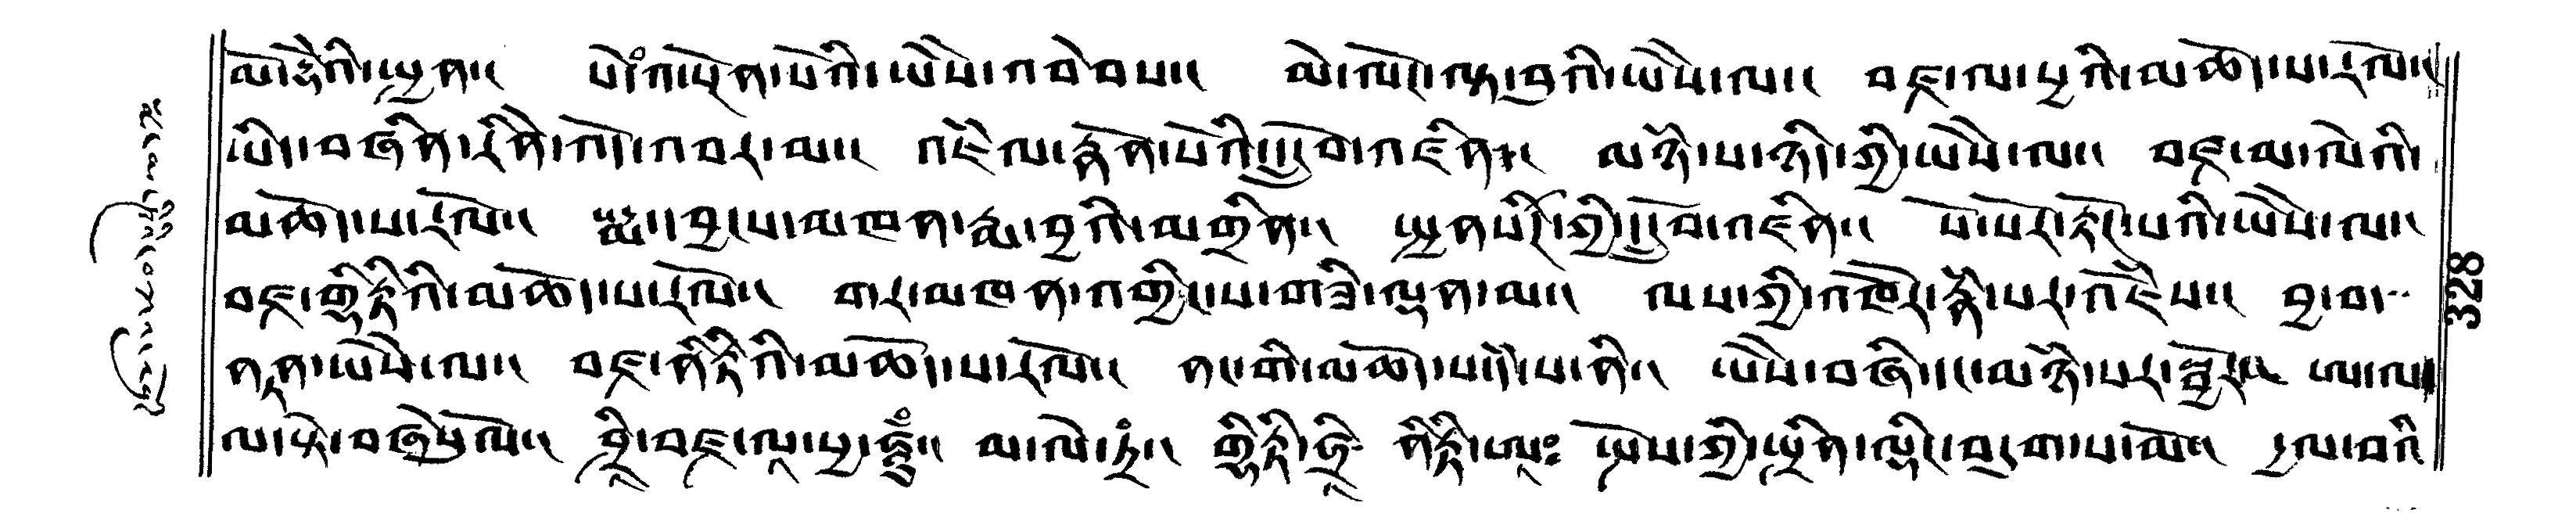མོ་རྡོ་རྗེའི་སྤྱན། །སེམས་དཔའ་སྔོན་པོའི་ཡེ་ཤེས་འབེབས། །མེ་ལོང་ལྟ་བུའི་ཡེ་ཤེས་ལ། །བཛྲ་ལ་སྱའི་མཆོད་པ་རོལ། །
ཡིད་བཞིན་རིན་ཆེན་འོད་འབར་མ། །འཇམ་དཔལ་རྣོན་པོའི་དངོས་གྲུབ་འཛིན། །མཉམ་པ་ཉིད་ཀྱི་ཡེ་ཤེས་ལ། །བཛྲ་མ་ལེའི་
མཆོད་པ་རོལ། །པདྨ་དབྱངས་མཁན་རྨ་བྱའི་མགྲིན། །སྤྱན་རས་གཟིགས་ཀྱི་དངོས་གྲུབ་འཛིན། །སོ་སོར་རྟོགས་པའི་ཡེ་ཤེས་ལ། །
བཛྲ་གྷིརྟིའི་མཆོད་པ་རོལ། །གར་མཁན་འགྱིངས་པོ་གཟི་ལྡན་མ། །ལས་ཀྱི་འཁོར་ལོ་རྣམ་པར་འཇོམས། །བྱ་བ་
ནན་ཏན་ཡེ་ཤེས་ལ། །བཛྲ་ནིརྟིའི་མཆོད་པ་རོལ། །ནང་གི་མཆོད་པ་དམ་པ་ནི། །ཡེ་ཤེས་བཞི་དང་མཉམ་པར་སྦྱོར། །ཨ་ལ་
ལ་སྟེ་བཞེས་སུ་གསོལ།ཤྲཱི་བཛྲ་ལཱ་སྱ་ཧཱུྃ། མ་ལེ་ཏྲཾ། གྷིརྟི་ཧྲཱིཿ ནིརྟི་ཨཱཿ སྤོས་ཀྱི་སྤྲིན་ལྡིང་བདུག་པ་མོ། །རྒྱལ་བའི་